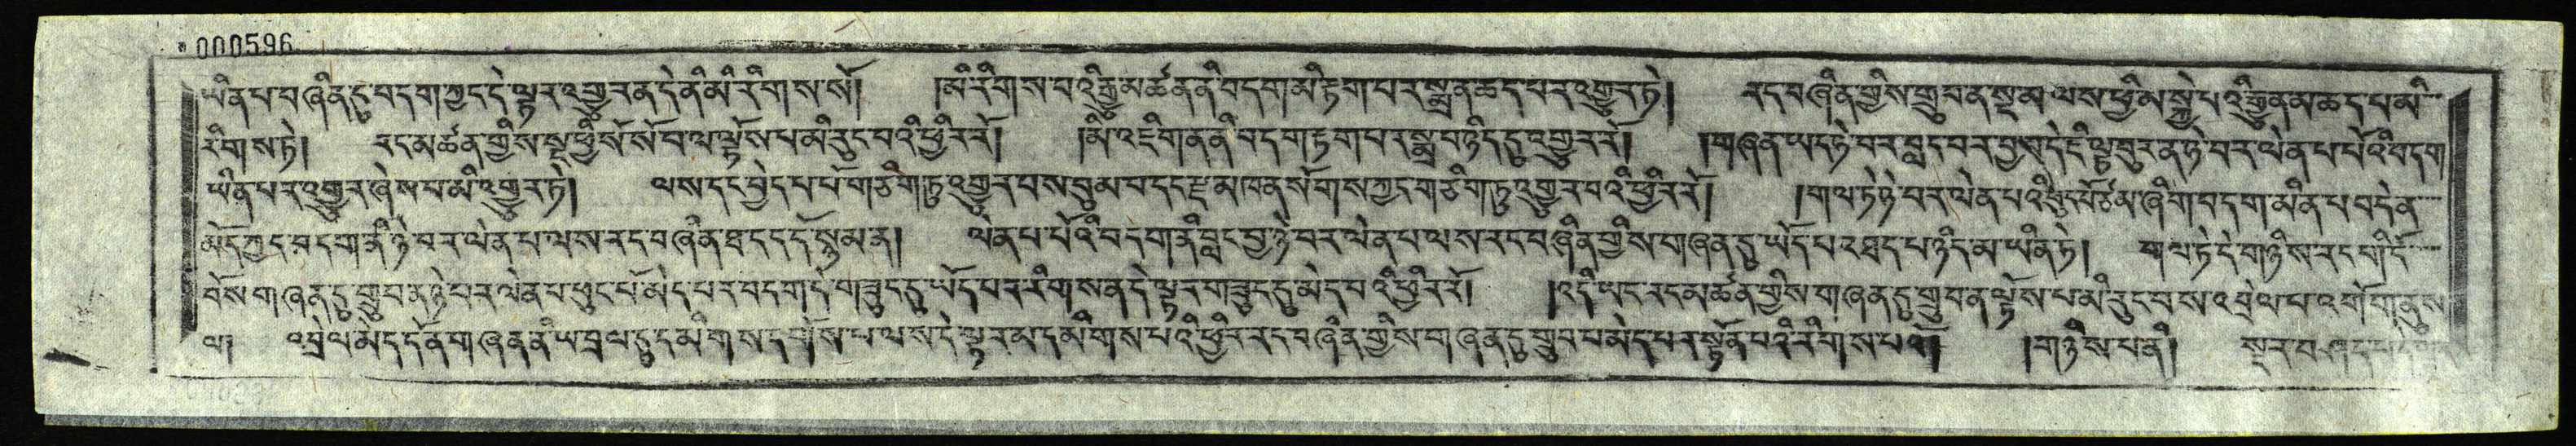ཡིན་པ་བཞིན་དུ་བདག་ཀྱང་དེ་ལྟར་འགྱུར་ན་དེ་ནི་མི་རིགས་སོ། །མི་རིགས་པའི་རྒྱུ་མཚན་ནི་བདག་མི་རྟག་པར་སྨྲ་ན་ཆད་པར་འགྱུར་ཏེ། རང་བཞིན་གྱིས་གྲུབ་ན་སྔ་མ་ལས་ཕྱི་མ་སྐྱེ་པའི་རྒྱུན་མ་ཆད་པ་མི་
རིགས་ཏེ། རང་མཚན་གྱིས་སྔ་ཕྱི་སོ་སོ་བ་ལ་ལྟོས་པ་མི་རུང་བའི་ཕྱིར་རོ། །མི་འཇིག་ན་ནི་བདག་རྟག་པར་སྨྲ་བ་ཉིད་དུ་འགྱུར་རོ། །གཞན་ཡང་ཉེ་བར་བླང་བར་བྱས་དེ་ཇི་ལྟ་བུར་ན་ཉེ་བར་ལེན་པ་པོའི་བདག་
ཡིན་པར་འགྱུར་ཞེས་པ་མི་འགྱུར་ཏེ། ལས་དང་བྱེད་པ་པོ་གཅིག་ཏུ་འགྱུར་བས་བུམ་པ་དང་རྫ་མཁན་སོགས་ཀྱང་གཅིག་ཏུ་འགྱུར་བའི་ཕྱིར་རོ། །གལ་ཏེ་ཉེ་བར་ལེན་པའི་ཕུང་པོ་ཙམ་ཞིག་བདག་མིན་པ་བདེན་
མོད་ཀྱང་བདག་ནི་ཉེ་བར་ལེན་པ་ལས་རང་བཞིན་ཐ་དད་དོ་སྙམ་ན། ལེན་པ་པོའི་བདག་ནི་བླང་བྱ་ཉེ་བར་ལེན་པ་ལས་རང་བཞིན་གྱིས་གཞན་དུ་ཡོད་པར་ཐད་པ་ཉིད་མ་ཡིན་ཏེ། གལ་ཏེ་དེ་གཉིས་རང་གི་ངོ་
བོས་གཞན་དུ་གྲུབ་ན་ཉེ་བར་ལེན་པ་ཕུང་པོ་མེད་པར་བདག་དེ་གཟུང་དུ་ཡོད་པར་རིགས་ན་དེ་ལྟར་གཟུང་དུ་མེད་པའི་ཕྱིར་རོ། །འདི་ཡང་རང་མཚན་གྱིས་གཞན་དུ་གྲུབ་ན་ལྟོས་པ་མི་རུང་བས་འབྲེལ་པ་འགོག་ནུས་
ལ༑ འབྲེལ་མེད་དོན་གཞན་ནི་ཡ་བྲལ་དུ་དམིགས་དགོས་པ་ལས་དེ་ལྟར་མ་དམིགས་པའི་ཕྱིར་རང་བཞིན་གྱིས་གཞན་དུ་གྲུབ་པ་མེད་པར་སྟོན་པའི་རིགས་པའོ། །གཉིས་པ་ནི། སྔར་བཤད་པ་དེ་ལྟ་ན་